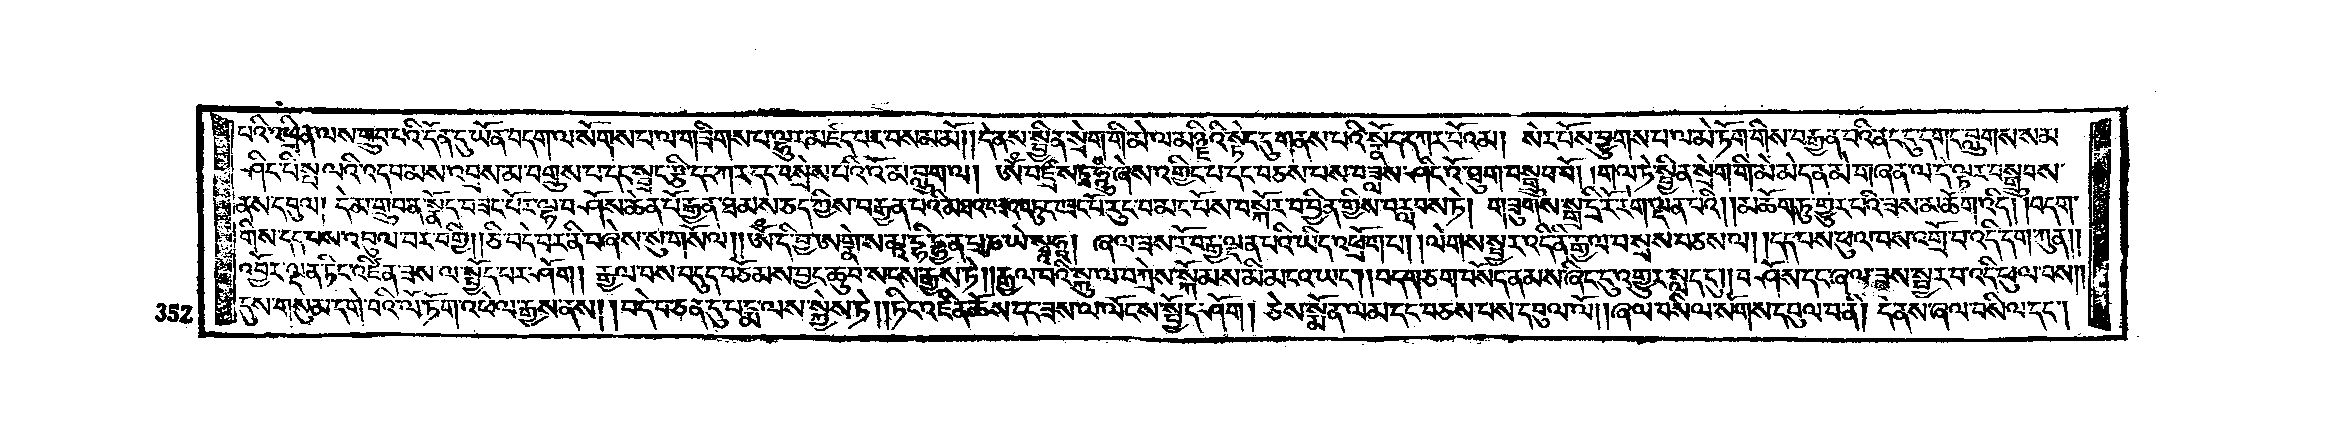པའི་འཕྲིན་ལས་གྲུབ་པའི་དོན་དུ་ཡོན་བདག་ལ་སོགས་པ་ལ་གཟིགས་པ་ལྷུར་མཛད་པར་བསམ་མོ། །དེ་ནས་སྦྱིན་སྲེག་གི་མེ་ལ་མཉྗིའི་སྟེང་དུ་གནས་པའི་སྣོད་དཀར་པོའམ། སེར་པོས་བྱུགས་པ་ལ་མེ་ཏོག་གིས་བརྒྱན་པའི་ནང་དུ་དགང་བླུགས་སམ་
ཤིང་པིསྤ་ལའི་འདབ་མས་འབྲས་མ་བགྲུས་པ་དང་སྦྲང་རྩི་དང་ཀ་ར་དང་བསྲེས་པའི་འོ་མ་བླུག་ལ། ཨོཾ་བཛྲ་སཏྭ་ཧཱུཾ་ཞེས་འགྱིང་པ་དང་བཅས་པས་བཟླས་ཤིང་འོ་ཐུག་བསྒྲུབ་བོ། །གལ་ཏེ་སྦྱིན་སྲེག་གི་མེ་མེད་ན་མེ་གཞན་ལ་དེ་ལྟར་བསྒྲུབས་
ནས་དབུལ། དེ་མ་གྲུབ་ན་སྣོད་བཟང་པོར་ལྷ་བཤོས་ཆེན་པོ་རྒྱན་ཐམས་ཅད་ཀྱིས་བརྒྱན་པའི་མཐའ་བཟའ་བཏུང་བཟང་པོ་རུང་བ་མང་པོས་བསྐོར་བ་བྱིན་གྱིས་བརླབས་ཏེ། གཟུགས་སྒྲ་དྲི་རོ་རེག་ལྡན་པའི། །མཆོག་ཏུ་གྱུར་པའི་ཟས་མཆོག་འདི། །བདག་
གིས་དད་པས་འབུལ་བར་བགྱི། །ཅི་བདེ་བར་ནི་བཞེས་སུ་གསོལ། །ཨོཾ་དི་བྱ་ཨགནེ་ས་མཱ་དྷི་དྷྱ་ན་པྲཎ་ཡེ་སྭཱ་ཧཱ། ཞལ་ཟས་རོ་བརྒྱ་ལྡན་པའི་ཡིད་འཕྲོག་པ། །ལེགས་སྦྱར་འདི་ནི་རྒྱལ་བ་སྲས་བཅས་ལ། །དད་པས་ཕུལ་བས་འགྲོ་བ་འདི་དག་ཀུན། །
འབྱོར་ལྡན་ཏིང་འཛིན་ཟས་ལ་སྤྱོད་པར་ཤོག །རྒྱལ་བས་བདུད་བཅོམས་བྱང་ཆུབ་སངས་རྒྱས་ཏེ། །རྒྱལ་བའི་སྐུ་ལ་བཀྲེས་སྐོམས་མི་མངའ་ཡང་། །བདག་ཅག་བསོད་ནམས་ཞིང་དུ་འགྱུར་སླད་དུ། །བཤོས་དང་ཞལ་ཟས་སྦྱར་བ་འདི་ཕུལ་བས། །
དུས་གསུམ་དགེ་བའི་ལོ་ཏོག་འཕེལ་རྒྱས་ནས། །བདེ་བ་ཅན་དུ་པདམ་ལས་སྐྱེས་ཏེ། །ཏིང་འཛིན་ཆོས་དང་ཟས་ལ་ལོངས་སྤྱོད་ཤོག །ཅེས་སྨོན་ལམ་དང་བཅས་པས་དབུལ་ལོ། །ཞལ་བསིལ་སོགས་དབུལ་བ་ནི། དེ་ནས་ཞལ་བསིལ་དང་།